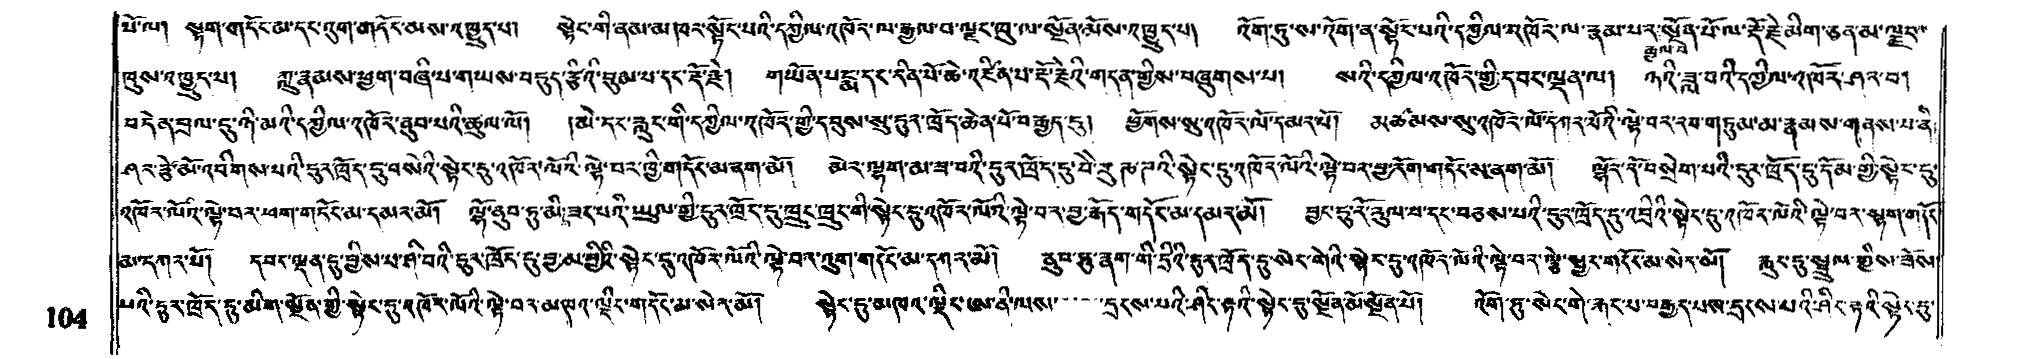པོ་ལ། སྟག་གདོང་མ་དང་འུག་གདོང་མས་འཁྱུད་པ། སྟེང་གི་ནམ་མཁར་སྟོང་པའི་དཀྱིལ་འཁོར་ལ་རྒྱལ་བ་ལྗང་ཁུ་ལ་སྔོན་མོས་འཁྱུད་པ། འོག་ཏུ་ས་འོག་ན་སྟོང་པའི་དཀྱིལ་འཁོར་ལ་རྣམ་པར་རྒྱལ་པོ་སྔོན་པོ་ལ་རྡོ་རྗེ་མིག་ཅན་མ་ལྗང་
ཁུས་འཁྱུད་པ། ཀླུ་རྣམས་ཕྱག་བཞི་པ་གཡས་བདུད་རྩིའི་བུམ་པ་དང་རྡོ་རྗེ། གཡོན་པདམ་དང་རིན་པོ་ཆེ་འཛིན་པ་རྡོ་རྗེའི་གདན་གྱིས་བཞུགས་པ། སའི་དཀྱིལ་འཁོར་གྱི་དབང་ལྡན་ལ། ཉའི་ཟླ་བའི་དཀྱིལ་འཁོར་ཤར་བ།
བདེན་བྲལ་དུ་ཉི་མའི་དཀྱིལ་འཁོར་ནུབ་པའི་ཚུལ་ལོ། །མེ་དང་རླུང་གི་དཀྱིལ་འཁོར་གྱི་དབུས་སུ་ཏུར་ཁྲོད་ཆེན་པོ་བརྒྱད་དུ། ཕྱོགས་སུ་འཁོར་ལོ་དམར་པོ། མཚམས་སུ་འཁོར་ལོ་དཀར་པོའི་ལྟེ་བར་རབ་གཏུམ་མ་རྣམས་གནས་པ་ནི།
ཤར་རྩེ་མོ་འབིགས་པའི་དུར་ཁྲོད་དུ་བསེའི་སྟེང་དུ་འཁོར་ལོའི་ལྟེ་བར་ཁྱི་གདོང་མནག་མོ། མེར་ལྷག་མ་ཟ་བའི་ཏུར་ཁྲོད་དུ་བཻ་རུ་ཎ་ཌའི་སྟེང་དུ་འཁོར་ལོའི་ལྟེ་བར་བྱ་རོག་གདོང་མ་ནག་མོ། ལྷོར་རོ་བསྲེག་པའི་དུར་ཁྲོད་དུ་དོམ་གྱི་སྟེང་དུ་
འཁོར་ལོའི་ལྟེ་བར་ཕག་གདོང་མ་དམར་མོ། ལྷོ་ནུབ་ཏུ་མི་བཟང་པའི་ཡུལ་གྱི་དུར་ཁྲོད་དུ་ཁྲུང་ཁྲུང་གི་སྟེང་དུ་འཁོར་ལོའི་ལྟེ་བར་བྱ་རྒོད་གདོང་མ་དམར་མོ། བྱང་དུ་རོ་རུལ་བ་དང་བཅས་པའི་དུར་ཁྲོད་དུ་འབྲིའི་སྟེང་དུ་འཁོར་ལོའི་ལྟེ་བར་སྟག་གདོང་
མ་དཀར་པོ། དབང་ལྡན་དུ་བྱིས་པ་ཤི་བའི་དུར་ཁྲོད་དུ་བྱ་མ་བྱིའི་སྟེང་དུ་འཁོར་ལོའི་ལྟེ་བར་འུག་གདོང་མ་དཀར་མོ། ནུབ་ཏུ་རྣག་གི་དྲིའི་དུར་ཁྲོད་དུ་སེང་གེའི་སྟེང་དུ་འཁོར་ལོའི་ལྟེ་བར་ལྕེ་སྤྱང་གདོང་མ་སེར་མོ། རླུང་དུ་སྦྲུལ་གྱིས་ཟོས་
པའི་ཏུར་ཁྲོད་དུ་མིག་སྔོན་གྱི་སྟེང་དུ་འཁོར་ལོའི་ལྟེ་བར་མཁའ་ལྡིང་གདོང་མ་སེན་མོ། སྟེང་དུ་མཁའ་ལྡིང་ཨ་ནི་ལས་དྲངས་པའི་ཤིང་རྟའི་སྟེང་དུ་སྔོན་མོ་སྔོན་པོ། འོག་ཏུ་སེང་གེ་རྐང་པ་བརྒྱད་པས་དྲངས་པའི་ཤིང་རྟའི་སྟེང་དུ་